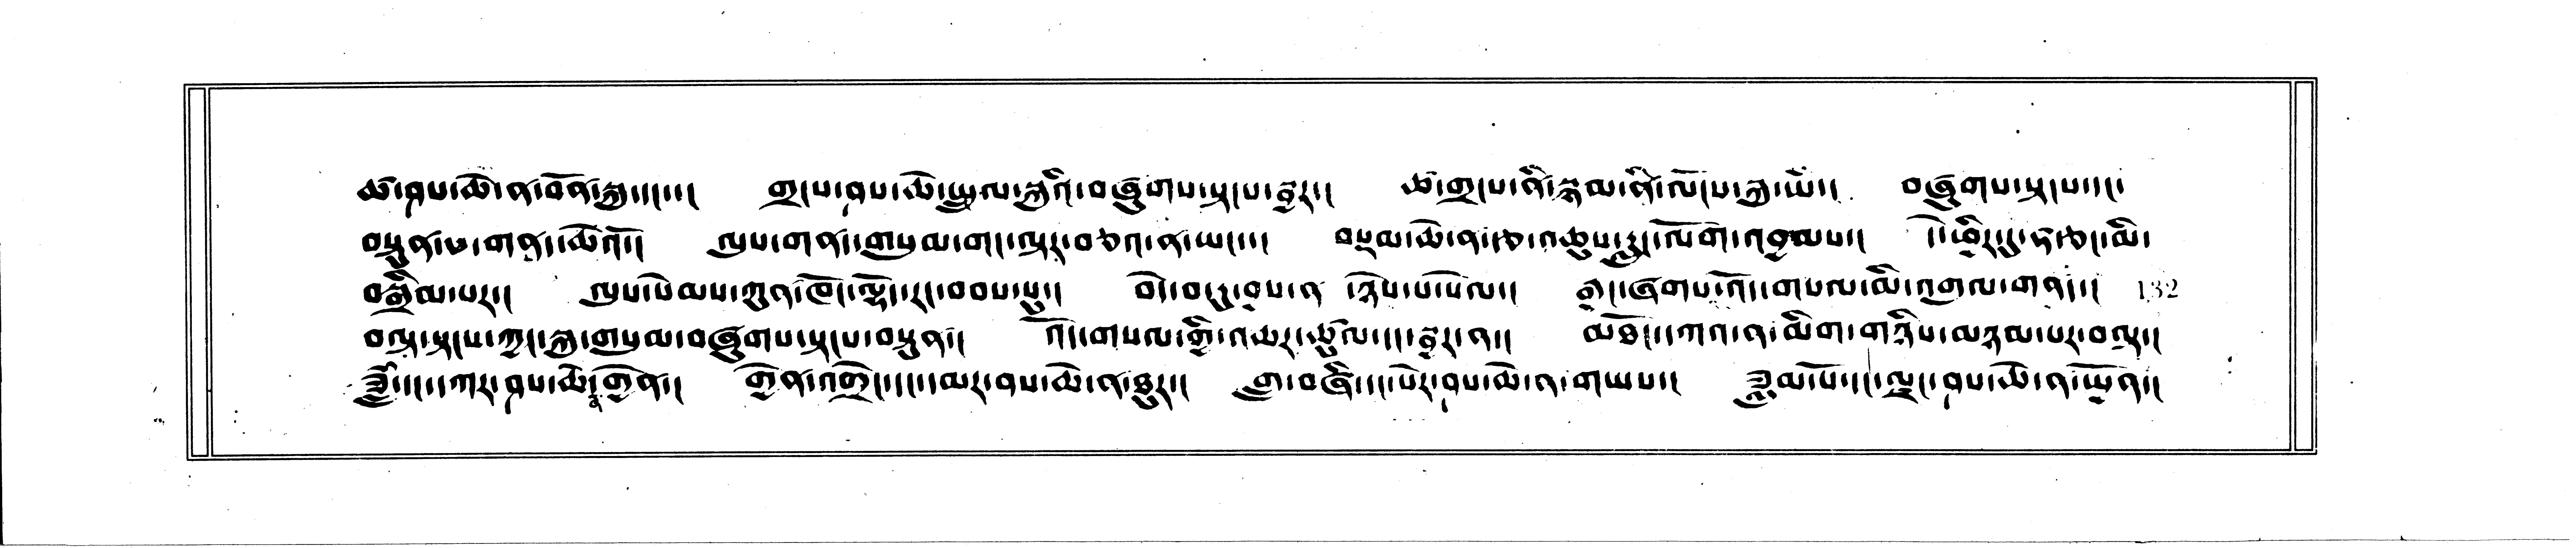ཚ་ཤས་ཆེ་ན་བོན་སྐུ་དང་། །གྲང་ཤས་ཆེ་སྤྲུལ་སྐུའི་བཞུགས་སྟངས་སྦྱར། །ཚ་གྲང་ནི་སྙམ་ནི་ལོངས་སྐུ་ཡི། །བཞུགས་སྟངས་དང་
བསྟུན་པ་གནད་ཆེའོ། །ལུས་གནད་གསུམ་གང་ལྟར་བཅའ་ན་ཡང་། །བསྡམ་ཆེ་ན་རྩ་འཆུས་རླུང་ལོག་འབྱམས། །དེ་ཕྱིར་དུ་ཧ་ཅང་མི་
བསྒྲིམས་པར། །ལུས་སེམས་ཀུན་ཁོང་ལྷོད་རང་བབས་སུ། །བདེ་བ་རུ་བྱས་ན་ཉེས་པ་སེལ། །རྒྱང་ཞགས་འོད་གསལ་མི་འགུལ་གནད། །
བལྟ་སྟངས་ཀྱང་སྐུ་གསུམ་བཞུགས་སྟངས་བསྟུན། །འོད་གསལ་གྱི་འཆར་ཚུལ་དང་སྦྱར་ན། །མཐོང་དཀའ་ན་མིག་གཉིས་མཉམ་པར་བལྟ། །
ཟླ་གམ་དང་དཀར་ཤས་ཆེ་ན་གྱེན། །གྱེན་འགྲེང་དང་དམར་ཤས་ཆེ་ན་ཐུར། །གྲུ་བཞི་དང་སེར་ཤས་ཆེ་ན་གཡས། །ཟླུམ་པོ་དང་ལྗང་ཤས་ཆེ་ན་གཡོན། །